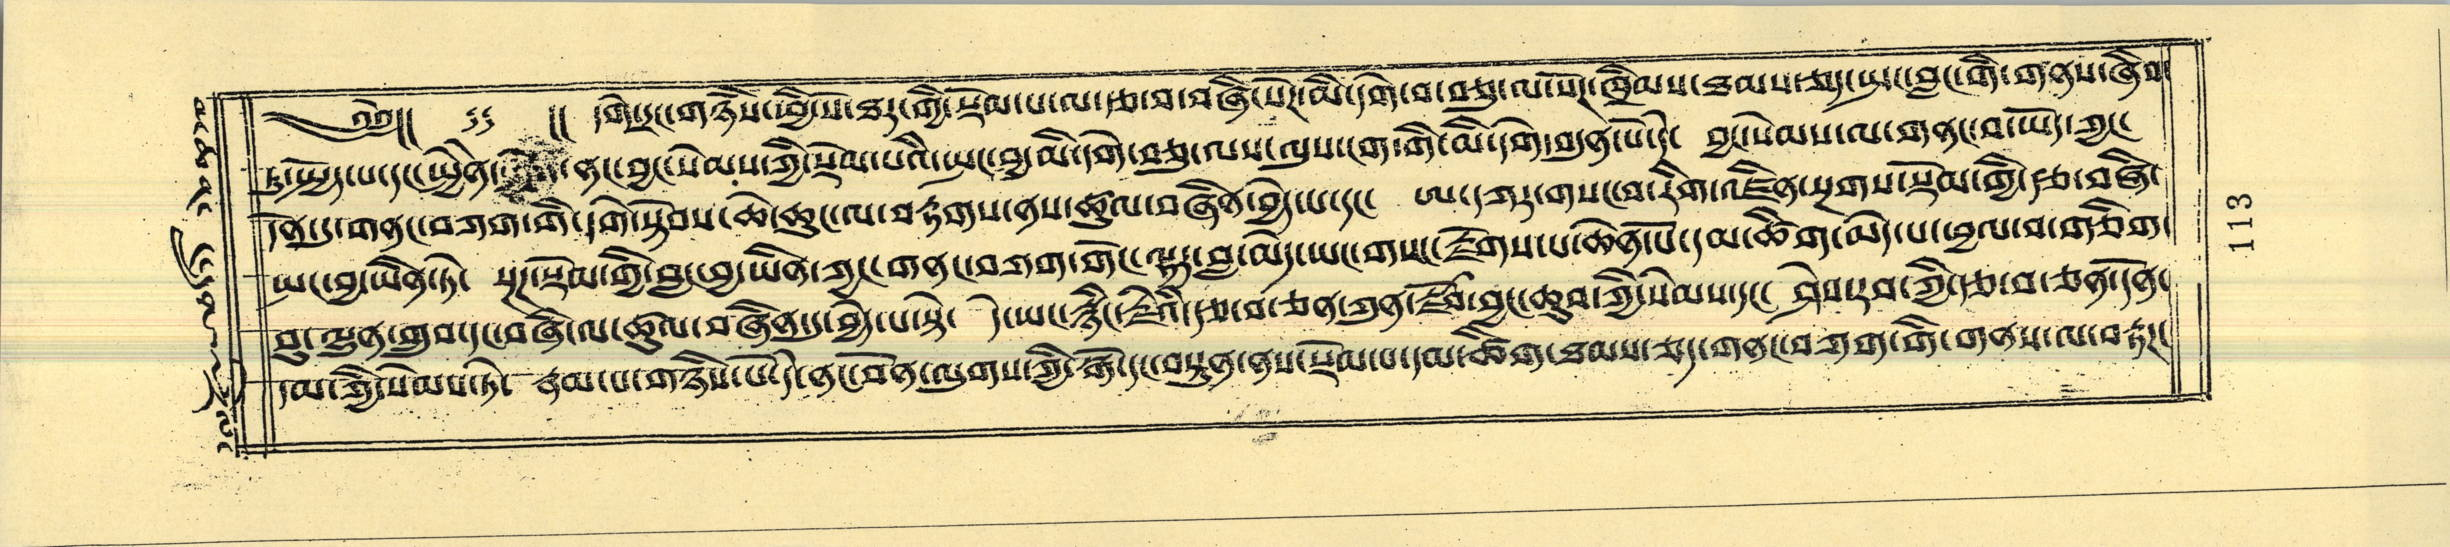དགེ་དྲང་གཉིས་ཕྱི་སོ་ཐར་གྱི་སྡོམ་པ་ལ་རྩ་བ་བཞི་སོགས་མི་དགེ་བ་བཅུ་ལ་སོགས་ཁྲིམས་ཐམས་ཅད་སྤང་བླང་གི་གནས་ཞིབ་
ཏུ་སྤྱོད་པ་དང་། ཡེ་གཤེན་ནང་བྱང་སེམས་ཀྱི་སྡོམ་པའི་སྤང་བྱ་མི་དགེ་བཅུ་ལས་ལུས་ངག་གི་མི་དགེ་བདུན་པོ་དེ་བྱང་སེམས་ལ་གནང་བ་ཡོད་ཀྱང་
དོན་དུ་གནང་བཀག་གི་དགེ་སྟོབས་ཆེ་ཆུང་ལ་བརྟགས་ནས་ཚུལ་བཞིན་བྱེད་པ་དང་། ཨ་དཀར་གསང་བ་རིག་འཛི་སྔགས་སྡོམ་གྱི་རྩ་བཞི་
སྤང་བྱ་ཡིན་ཏེ། སྔགས་སྡོམ་གྱི་སྤང་བྱ་ཡིན་ཀྱང་གནང་བཀག་གོང་ལྟར་བླ་མེད་ཡང་གསང་རྫོགས་པ་ཆེན་པོ་དམ་ཚིག་མེད་པ་ཕྱལ་བ་གཅིག་
པུ་ལྷུན་གྲུབ་དང་བཞི་ལ་ཚུལ་བཞིན་དུ་བྱེད་པ་སྟེ། དེ་ཡང་སྙིང་རྗེའི་རྩ་བ་ཅན་ཀུན་རྫོབ་བྱང་ཆུབ་ཀྱི་སེམས་དང་། ཤེས་རབ་ཀྱི་རྩ་བ་ཅན་དོན་
དམ་གྱི་སེམས་ཏེ་རྣམ་པ་གཉིས་པོ་དེ་ནང་གི་བོན་ལུགས་ཀྱི་སྒོ་དང་བསྟུན་ནས་སྡོམ་པ་དམ་ཚིག་ཐམས་ཅད་གནང་བཀག་གི་གནས་ལ་བརྟགས་